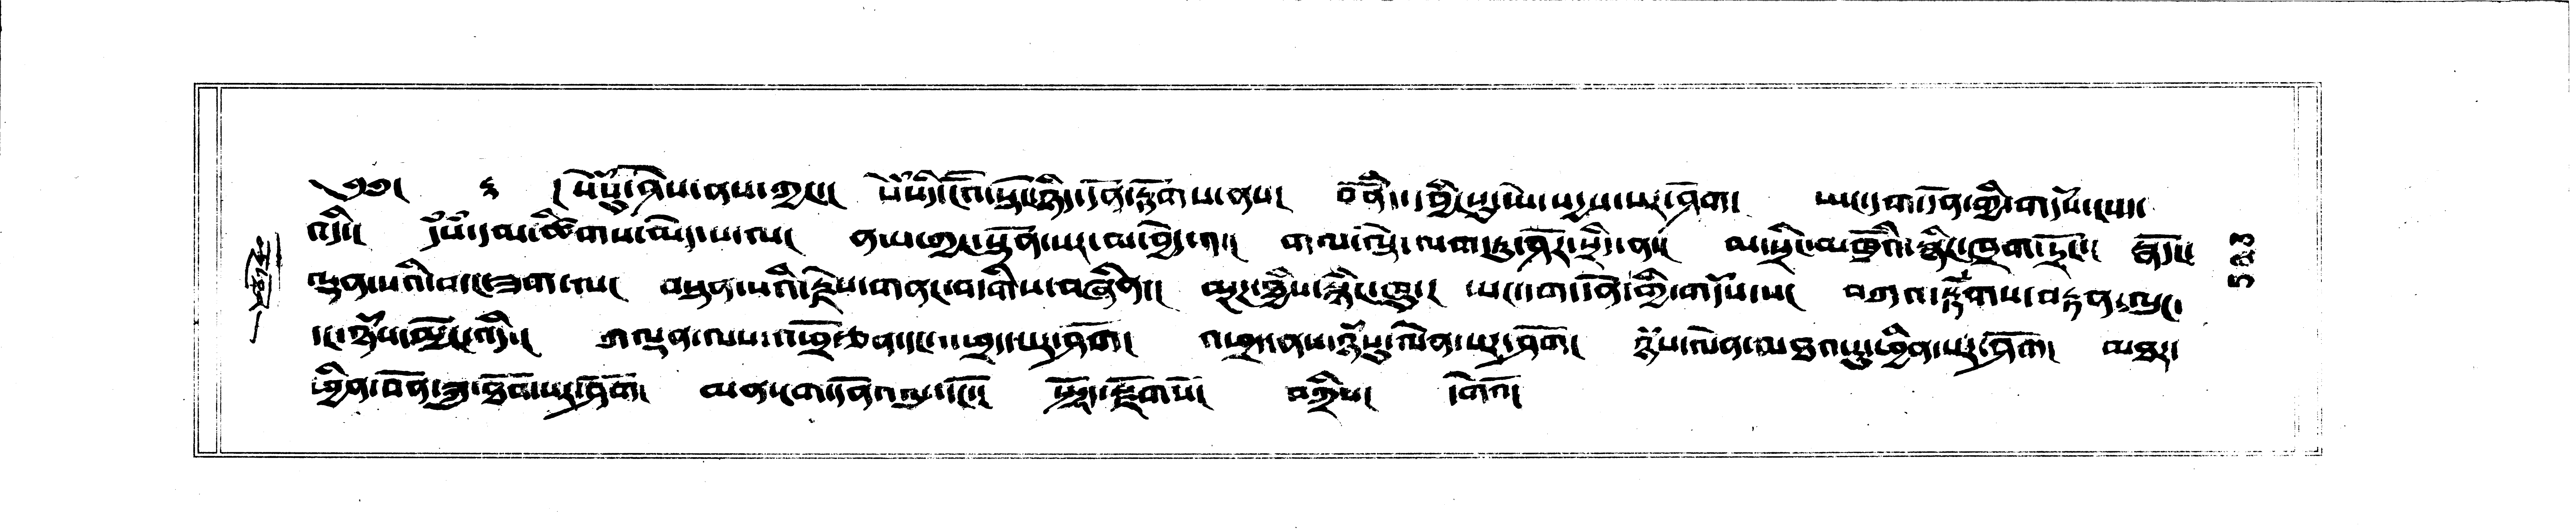སེམས་སུ་ཤེས་ནས་ཀྱང་། སེམས་ཉིད་ངོའོ་སྟོང་ཉིད་དོན་རྟོགས་ནས། བོན་ཉིད་དབྱིངས་སུ་ཡེ་སངས་རྒྱས་པར་ཤོག ཡང་དག་བོན་གྱི་གདམས་པ་
འདི། དམ་ཉམས་དམ་ཚིག་མེད་པ་ལ། ནམ་ཀྱང་༼ཡང༽སྟོན་པར་མ་བྱེད་ཅིག གལ་ཏེ་ལག་ཏུ་ཤོར་སྲིད་ན། མ་སྲིང་མཁའ་འཁྲོའི་སྙིང་ཁྲག་དྲོངས། སྣོད་དང་
ལྡན་པའི་གང་ཟག་ལ། བསྟན་པའི་རྗེས་གནང་བདག་གི་བཞིན། མན་ངག་ཐུགས་ཀྱི་སྙིང་ཁུ། ཡང་དག་དོན་གྱི་གདམས་པ། བཀའ་རྟེན་ལུང་
དང་ཉམས་མྱོང་འདི། སྐལ་ལྡན་ལས་འཕྲོ་ཅན་དང་འཕྲད་པར་ཤོག འཕྲད་ནས་ཉམས་སུ་ལེན་པར་ཤོག ཉམས་ལེན་མཐའ་རུ་ཕྱིན་པར་ཤོག མཐར་
ཕྱིན་བོན་སྐུ་ཐོབ་པར་ཤོག མན་ངག་དོན་འདུས་ངོ་སྤྲོད་རྫོགས་སོ། དགེའོ། དགེའོ། དགེའོ། བཀྲ་ཤིས་པར་ཤོག